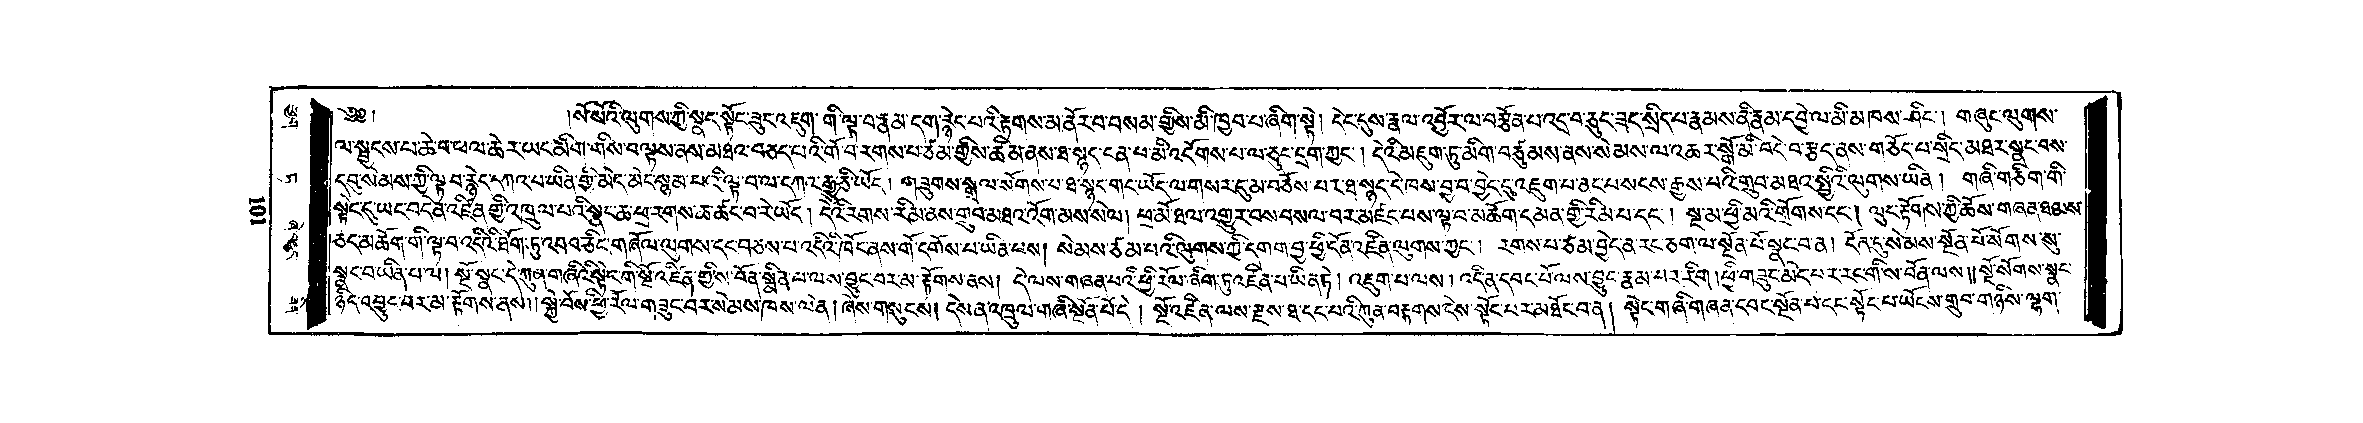༄༅། །སོ་སོའི་ལུགས་ཀྱི་སྣང་སྟོང་ཟུང་འཇུག་གི་ལྟ་བ་རྣམ་དག་རྙེད་པའི་རྟགས་མ་ནོར་བ་བསམ་གྱིས་མི་ཁྱབ་པ་ཞིག་སྟེ། དེང་དུས་རྣལ་འབྱོར་ལ་བརྩོན་པ་འདྲ་བ་ཅུང་ཟད་སྲིད་པ་རྣམས་ནི་རྣམ་དབྱེ་ལ་མི་མཁས་ཤིང་། གཞུང་ལུགས་
ལ་སྦྱངས་པ་ཆེ་བ་ཕལ་ཆེར་ཡང་མིག་གིས་བལྟས་ནས་མཐའ་བཅད་པའི་གོ་བ་རགས་པ་ཙམ་གྱིས་ཚིམ་ནས་ཐ་སྙད་ངན་པ་མི་འདོགས་པ་ལ་ཅུང་དྲག་ཀྱང་། དེའི་མཇུག་ཏུ་མིག་བཙུམས་ནས་སེམས་ལ་འཆར་སྒོ་མི་བདེ་བ་རྩད་ནས་གཅོད་པ་སྲིད་མཐར་སྣང་བས་
དབུ་སེམས་ཀྱི་ལྟ་བ་རྙེད་དཀའ་པ་ཡིན་གྱི་མེད་མེད་སྙམ་པའི་ལྟ་བ་ལ་དཀའ་རྒྱུ་ཅི་ཡོད། གཟུགས་སྒྲལ་སོགས་པ་ཐ་སྙད་གང་ཡོད་ལ་གསར་དུ་མ་བཅོས་པར་ཐ་སྙད་དེ་ཁས་བྱ་བ་བྱེད་དུ་འཇུག་པ་ནང་པ་སངས་རྒྱས་པའི་གྲུབ་མཐའ་སྤྱིའི་ལུགས་ཡིན། གཞི་གཅིག་གི་
སྟེང་དུ་ཡང་བདེན་འཛིན་གྱི་འཁྲུལ་པའི་སྣང་ཆ་ཕྲ་རགས་ཆ་ཚང་བ་རེ་ཡོད། དེའི་རིགས་རིམ་ནས་གྲུབ་མཐའ་འོག་མས་སེལ། ཕྲ་མོ་ཐལ་འགྱུར་བས་བསལ་བར་མཛད་པས་ལྟ་བ་མཆོག་དམན་གྱི་རིམ་པ་དང་། སྔ་མ་ཕྱི་མའི་གྲོགས་དང་། ལུང་རྟོགས་ཀྱི་ཆོས་གཞན་ཐམས་
ཅད་མཆོག་གི་ལྟ་བ་འདིའི་ཐོག་ཏུ་འབབ་ཅིང་གཞོལ་ལུགས་དང་བཅས་པ་འདིའི་ཁོང་ནས་གོ་དགོས་པ་ཡིན་པས། སེམས་ཙམ་པའི་ལུགས་ཀྱི་དགག་བྱ་ཕྱི་དོན་འཛིན་ལུགས་ཀྱང་། རགས་པ་ཙམ་བྱེད་ན་རང་ཅག་ལ་སྔོན་པོ་སྣང་བ་ན། དོན་དུ་སེམས་སྔོན་པོ་སོགས་སུ་
སྣང་བ་ཡིན་པ་ལ། སྔོ་སྣང་དེ་ཀུན་གཞིའི་སྟེང་གི་སྔོ་འཛིན་གྱི་ས་བོན་སྨིན་པ་ལས་བྱུང་བར་མ་རྟོགས་ནས། དེ་ལས་གཞན་པའི་ཕྱི་རོལ་ཞིག་ཏུ་འཛིན་པ་ཡིན་ཏེ། འཇུག་པ་ལས། འདི་ན་དབང་པོ་ལས་བྱུང་རྣམ་པར་རིག །ཕྱི་གཟུང་མེད་པར་རང་གི་ས་བོན་ལས། །སྔོ་སོགས་སྣང་
ཉིད་འབྱུང་བར་མ་རྟོགས་ནས། །སྐྱེ་བོས་ཕྱི་རོལ་གཟུང་བར་སེམས་ཁས་ལེན། ཞེས་གསུངས། དེས་ན་འཁྲུལ་གཞི་སྔོན་པོ་དེ། སྔོ་འཛིན་ལས་རྫས་ཐ་དད་པའི་ཀུན་བརྟགས་དེས་སྟོང་པར་མཐོང་བ་ན། སྟེང་གཞི་གཞན་དབང་སྔོན་པ་དང་སྟོང་པ་ཡོངས་གྲུབ་གཉིས་ལྷག་